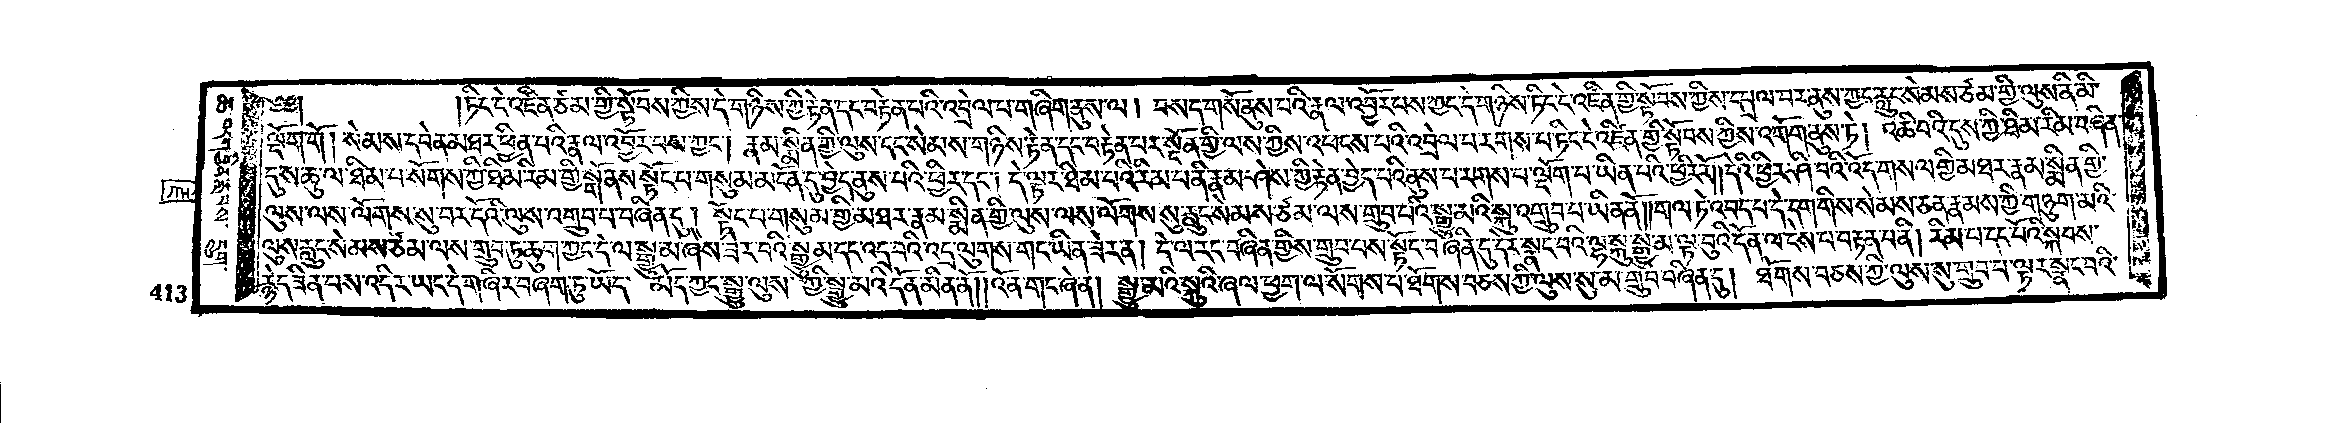༄༅། །ཏིང་ངེ་འཛིན་ཙམ་གྱི་སྟོབས་ཀྱིས་དེ་གཉིས་ཀྱི་རྟེན་དང་བརྟེན་པའི་འབྲེལ་པ་གཞིག་ནུས་ལ། བསད་གསོ་ནུས་པའི་རྣལ་འབྱོར་པས་ཀྱང་དེ་གཉིས་ཏིང་ངེ་འཛིན་གྱི་སྟོབས་ཀྱིས་དཔྲལ་བར་ནུས་ཀྱང་རླུང་སེམས་ཙམ་གྱི་ལུས་ནི་མི་
ལྡོག་གོ །སེམས་དབེན་མཐར་ཕྱིན་པའི་རྣལ་འབྱོར་པས་ཀྱང་། རྣམ་སྨིན་གྱི་ལུས་དང་སེམས་གཉིས་རྟེན་དང་བརྟེན་པར་སྔོན་གྱི་ལས་ཀྱིས་འཕངས་པའི་འབྲེལ་པ་རགས་པ་ཏིང་ངེ་འཛིན་གྱི་སྟོབས་ཀྱིས་འགོག་ནུས་ཏེ། འཆི་བའི་དུས་ཀྱི་ཐིམ་རིམ་བཞིན་
དུས་ཆུ་ལ་ཐིམ་པ་སོགས་ཀྱི་ཐིམ་རིམ་གྱི་སྒོ་ནས་སྟོང་པ་གསུམ་མངོན་དུ་བྱེད་ནུས་པའི་ཕྱིར་དང་། དེ་ལྟར་ཐིམ་པའི་རིམ་པ་ནི་རྣམ་ཤེས་ཀྱི་རྟེན་བྱེད་པའི་ནུས་པ་རགས་པ་ལྡོག་པ་ཡིན་པའི་ཕྱིར་རོ། །དེའི་ཕྱིར་ཤི་བའི་འོད་གསལ་གྱི་མཐར་རྣམ་སྨིན་གྱི་
ལུས་ལས་ལོགས་སུ་བར་དོའི་ལུས་འགྲུབ་པ་བཞིན་དུ། སྟོང་པ་གསུམ་གྱི་མཐར་རྣམ་སྨིན་གྱི་ལུས་ལས་ལོགས་སུ་རླུང་སེམས་ཙམ་ལས་གྲུབ་པའི་སྒྱུ་མའི་སྐུ་འགྲུབ་པ་ཡིན་ནོ། །གལ་ཏེ་འབད་པ་དེ་དག་གིས་སེམས་ཅན་རྣམས་ཀྱི་གཉུག་མའི་
ལུས་རླུང་སེམས་ཙམ་ལས་གྲུབ་ཏུ་ཆུག་ཀྱང་དེ་ལ་སྒྱུ་མ་ཞེས་ཟེར་བའི་སྒྱུ་མ་དང་འདྲ་བའི་འདྲ་ལུགས་གང་ཡིན་ཟེར་ན། དེ་ལ་རང་བཞིན་གྱིས་གྲུབ་པས་སྟོང་བཞིན་དུ་དེར་སྣང་བའི་ལྷ་སྐུ་སྒྱུ་མ་ལྟ་བུའི་དོན་ལ་ངེས་པ་བརྟན་པ་ནི། རིམ་པ་དང་པོའི་སྐབས་
རྙེད་ཟིན་པས་འདིར་ཡང་དེ་གཞིར་བཞག་ཏུ་ཡོད་མོད་ཀྱང་སྒྱུ་ལུས་ཀྱི་སྒྱུ་མའི་དོན་མིན་ནོ། །འོ་ན་གང་ཞེ་ན། སྒྱུ་མའི་སྐུའི་ཞལ་ཕྱག་ལ་སོགས་པ་ཐོགས་བཅས་ཀྱི་ལུས་སུ་མ་གྲུབ་བཞིན་དུ། ཐོགས་བཅས་ཀྱི་ལུས་སུ་གྲུབ་པ་ལྟར་སྣང་བའི་